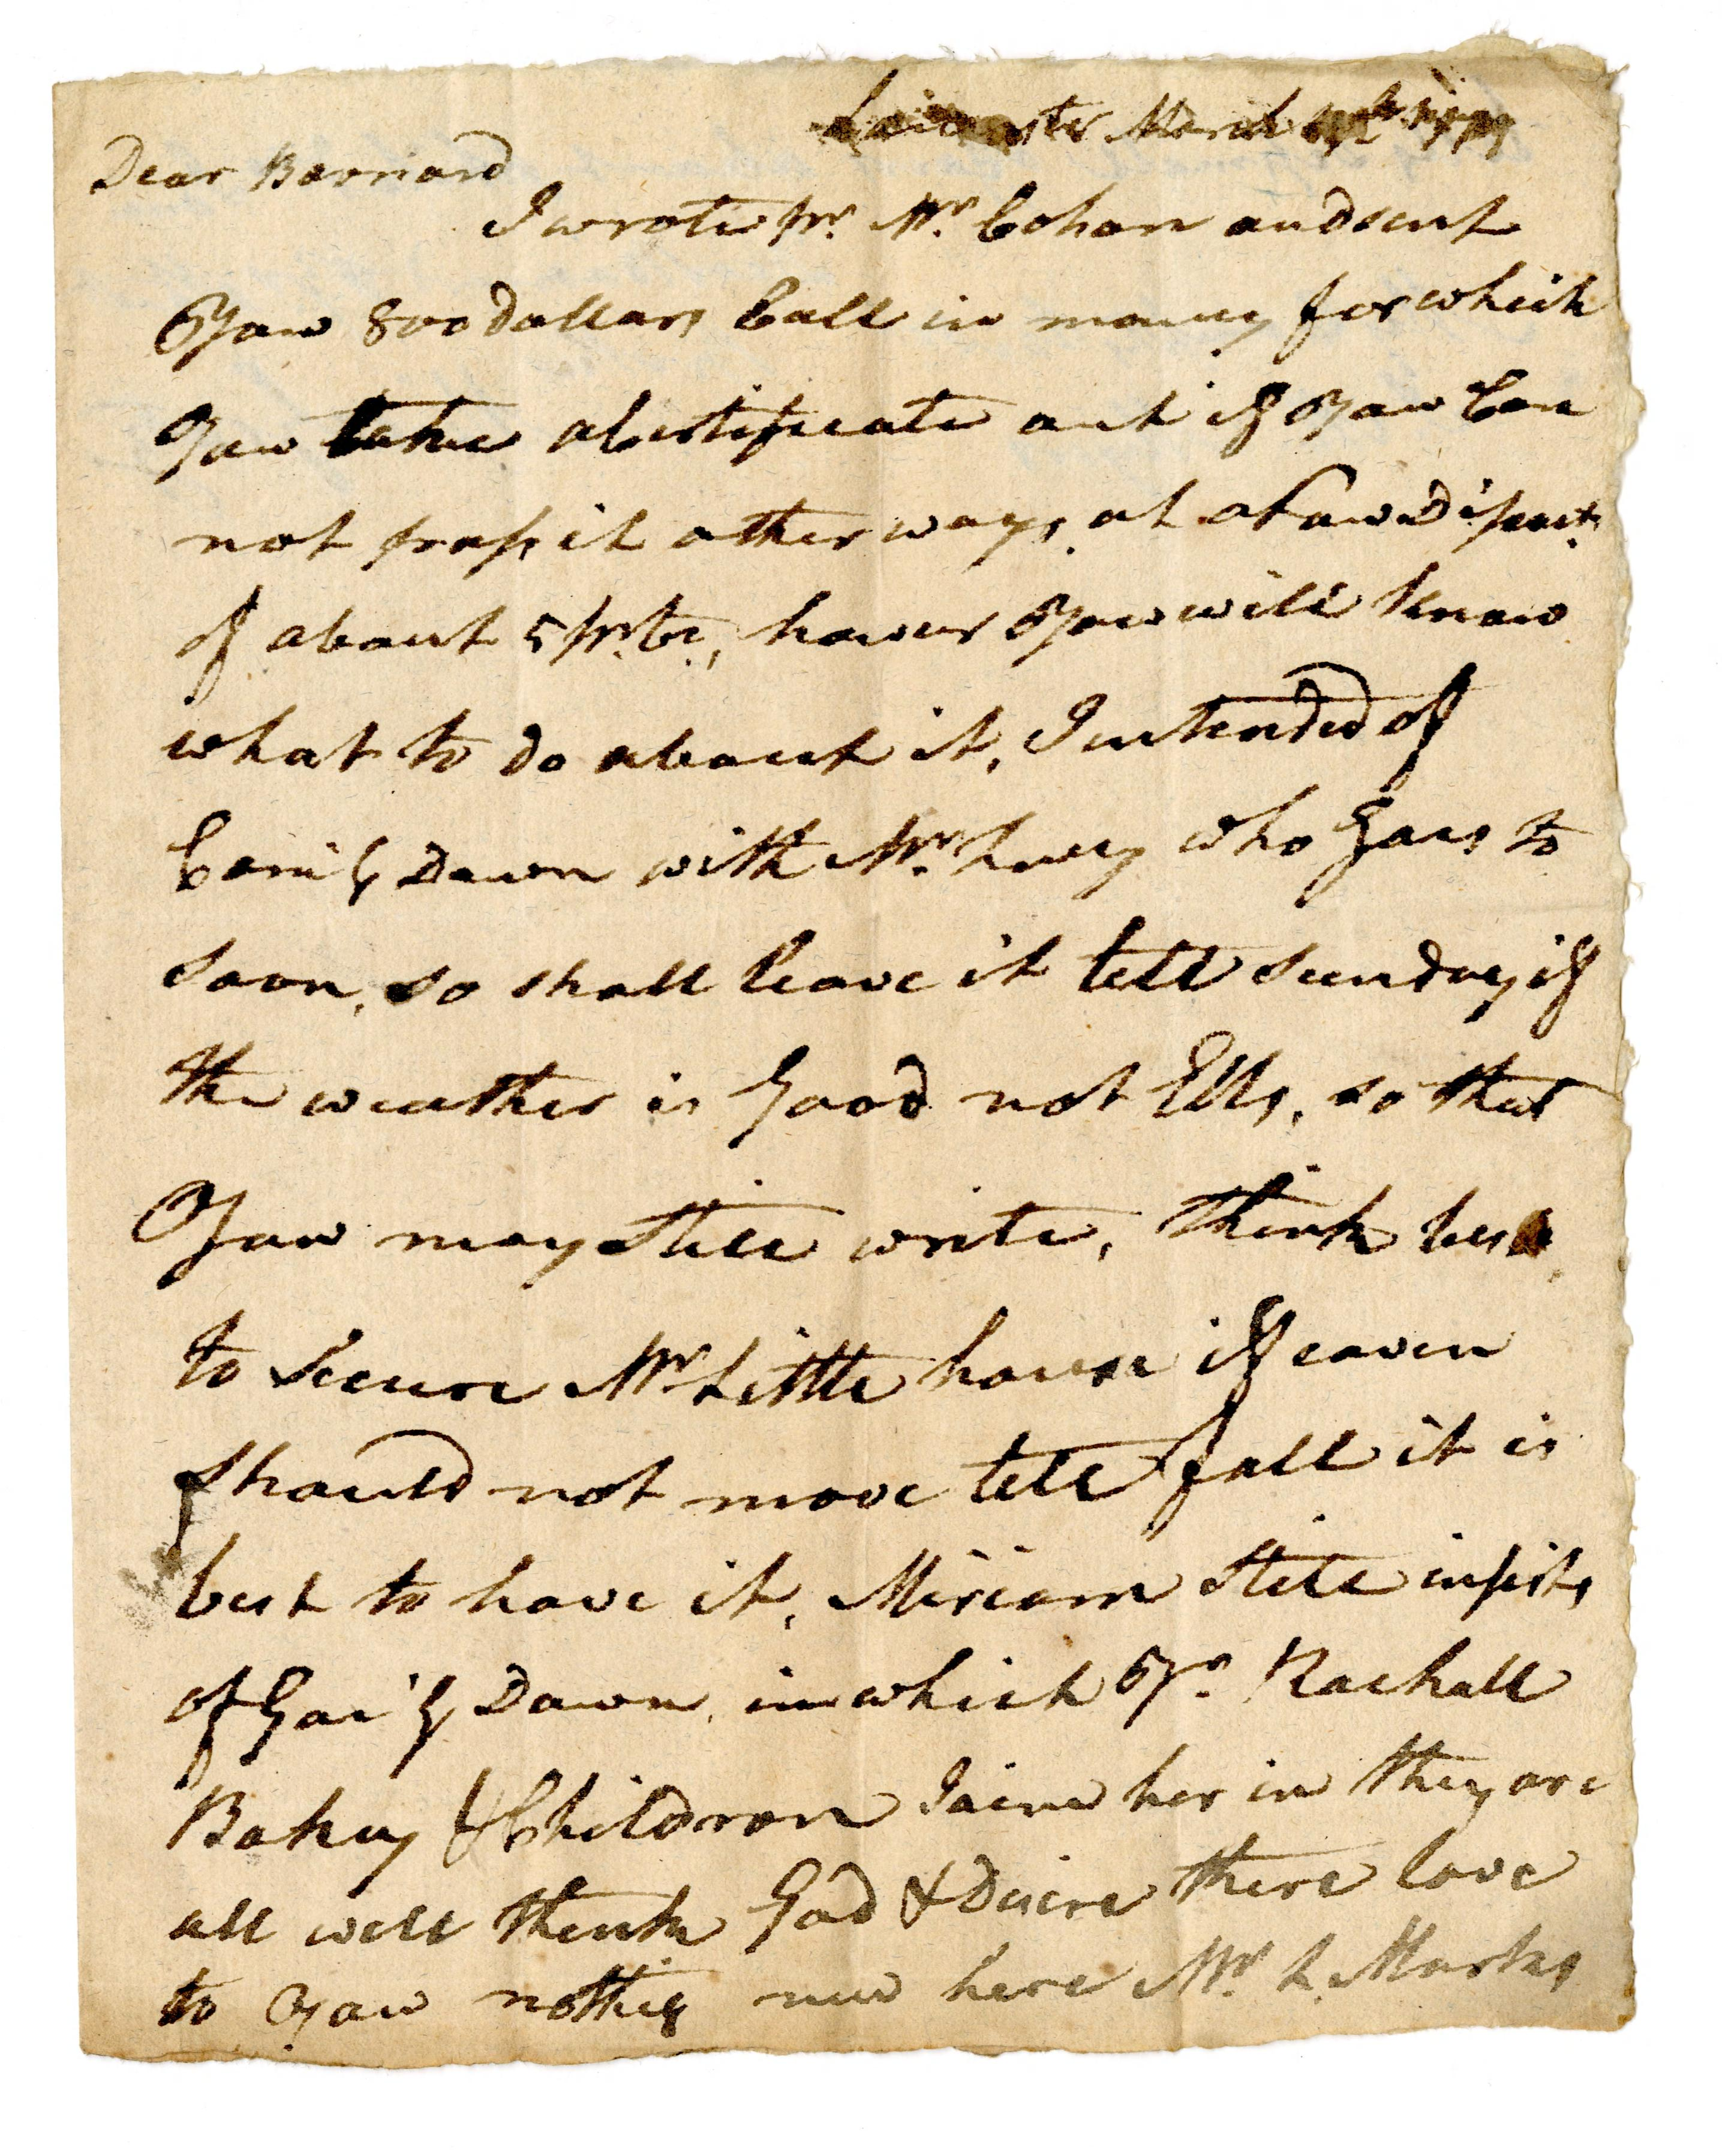Lancaster March [___]^th 1779
Dear Barnard
I wrote p^r. M^r. Cohan and sent
you 800 dollars Call in money for which
You take a certificate out if you can
not profit other ways. at of a fav^d pac^t.
of about 5 p^r. be, however you will know
what to do about it, I intended of
Coming down with M^r. Levy who says to
soon, so shall leave it till sunday if
the weather is good not Ells, so that
you may Still write, think but
to secure M^r. Little house f care
should not move till fall it is
best to have it, Miriam still insists
of Going Down in which y^r. Rachall
Bakey & children joind her in they are
all well thank God & desire there love
to you nothing new here M^r L Marks